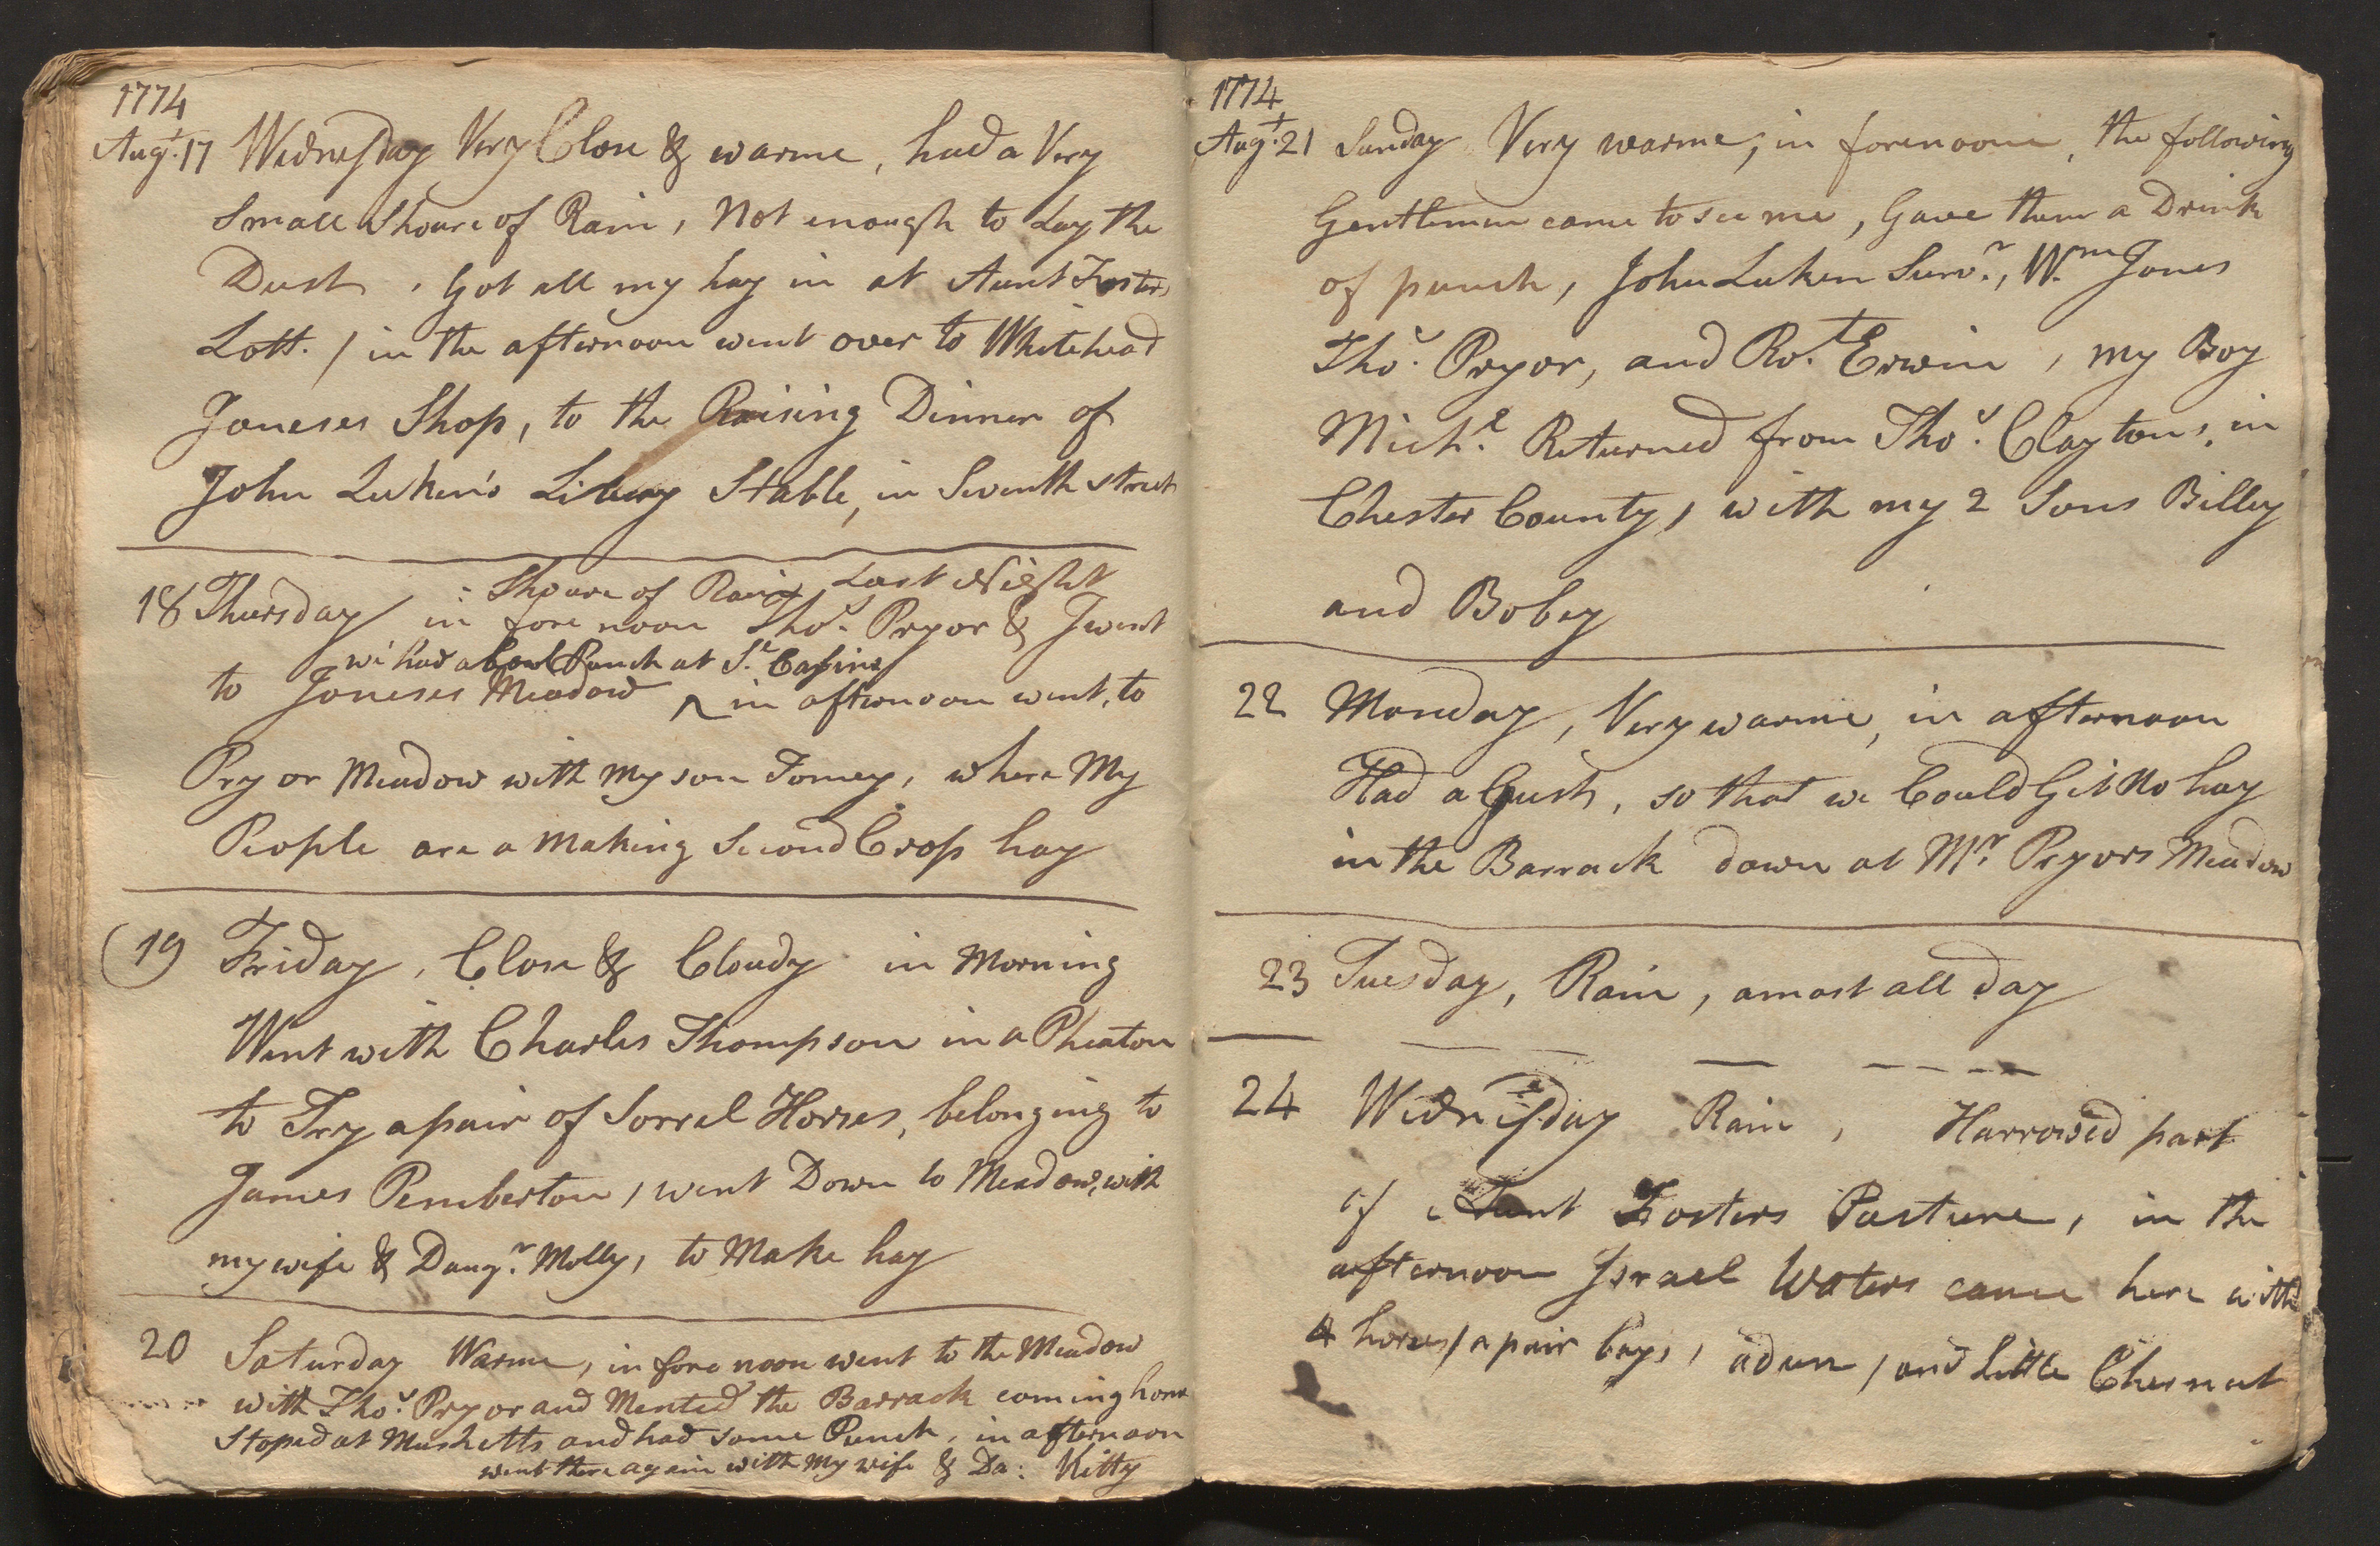1774
Aug^t. 17 Wednesday Very Close & warme, had a Very
small Shoure of Rain, Not enough to Lay the
Dust. Got all my hay in at Aunt Fosters
Lott. / in the afternoon went over to Whitehead
Joneses Shop, to the Raising Dinner of
John Luken's Libray Stable in Seventh street
18 Thursday in forenoon Tho^s. Pryor & I went
Shoure of Rain Last Night
to Joneses Meedow ^ in afternoon went to
we had a bowl Punch at S^l. Casins
Pryor Meadow with my son Tomey, where My
People are a making second Crop hay
19 Friday. Close & Cloudy in Morning
Went with Charles Thompson in a Pheaton
to Try a pair of Sorrel Horses, belonging to
James Pemberton, went Down to Meadow, with
my wife & Daug^r. Molly, to Make hay
20 Saturday Warme, in forenoon went to the Meadow
with Tho^s. Pryor and Mented the Barrock coming home
Stoped at Mushetts and had some Punch, in afternoon
went there again with my wife & Da: Kitty
Aug^t. 21 Sunday Very warme, in forenoon the following
1774
Gentlemen came to see me, Gave them a Drink
of punch, John Luken Sen^r., W^m. Jones
Tho^s. Pryor, and Ro^t. Erwin, my Boy
Mich^l. Returned from Tho^s. Claytons in
Chester County, with my 2 Sons Billey
and Bobey
22 Monday, Very warme in afternoon
Had a Gust, so that we Could Git No hay
in the Barrack down at M^r. Pryors Meadow
23 Tuesday, Rain, amost all day
24 Wednisday Rain, Harrowed part
of Aunt Fosters Pasture, in the
afternoon Israel Waters came here with
4 horses, a pair bays, a dun, and Little Chernet